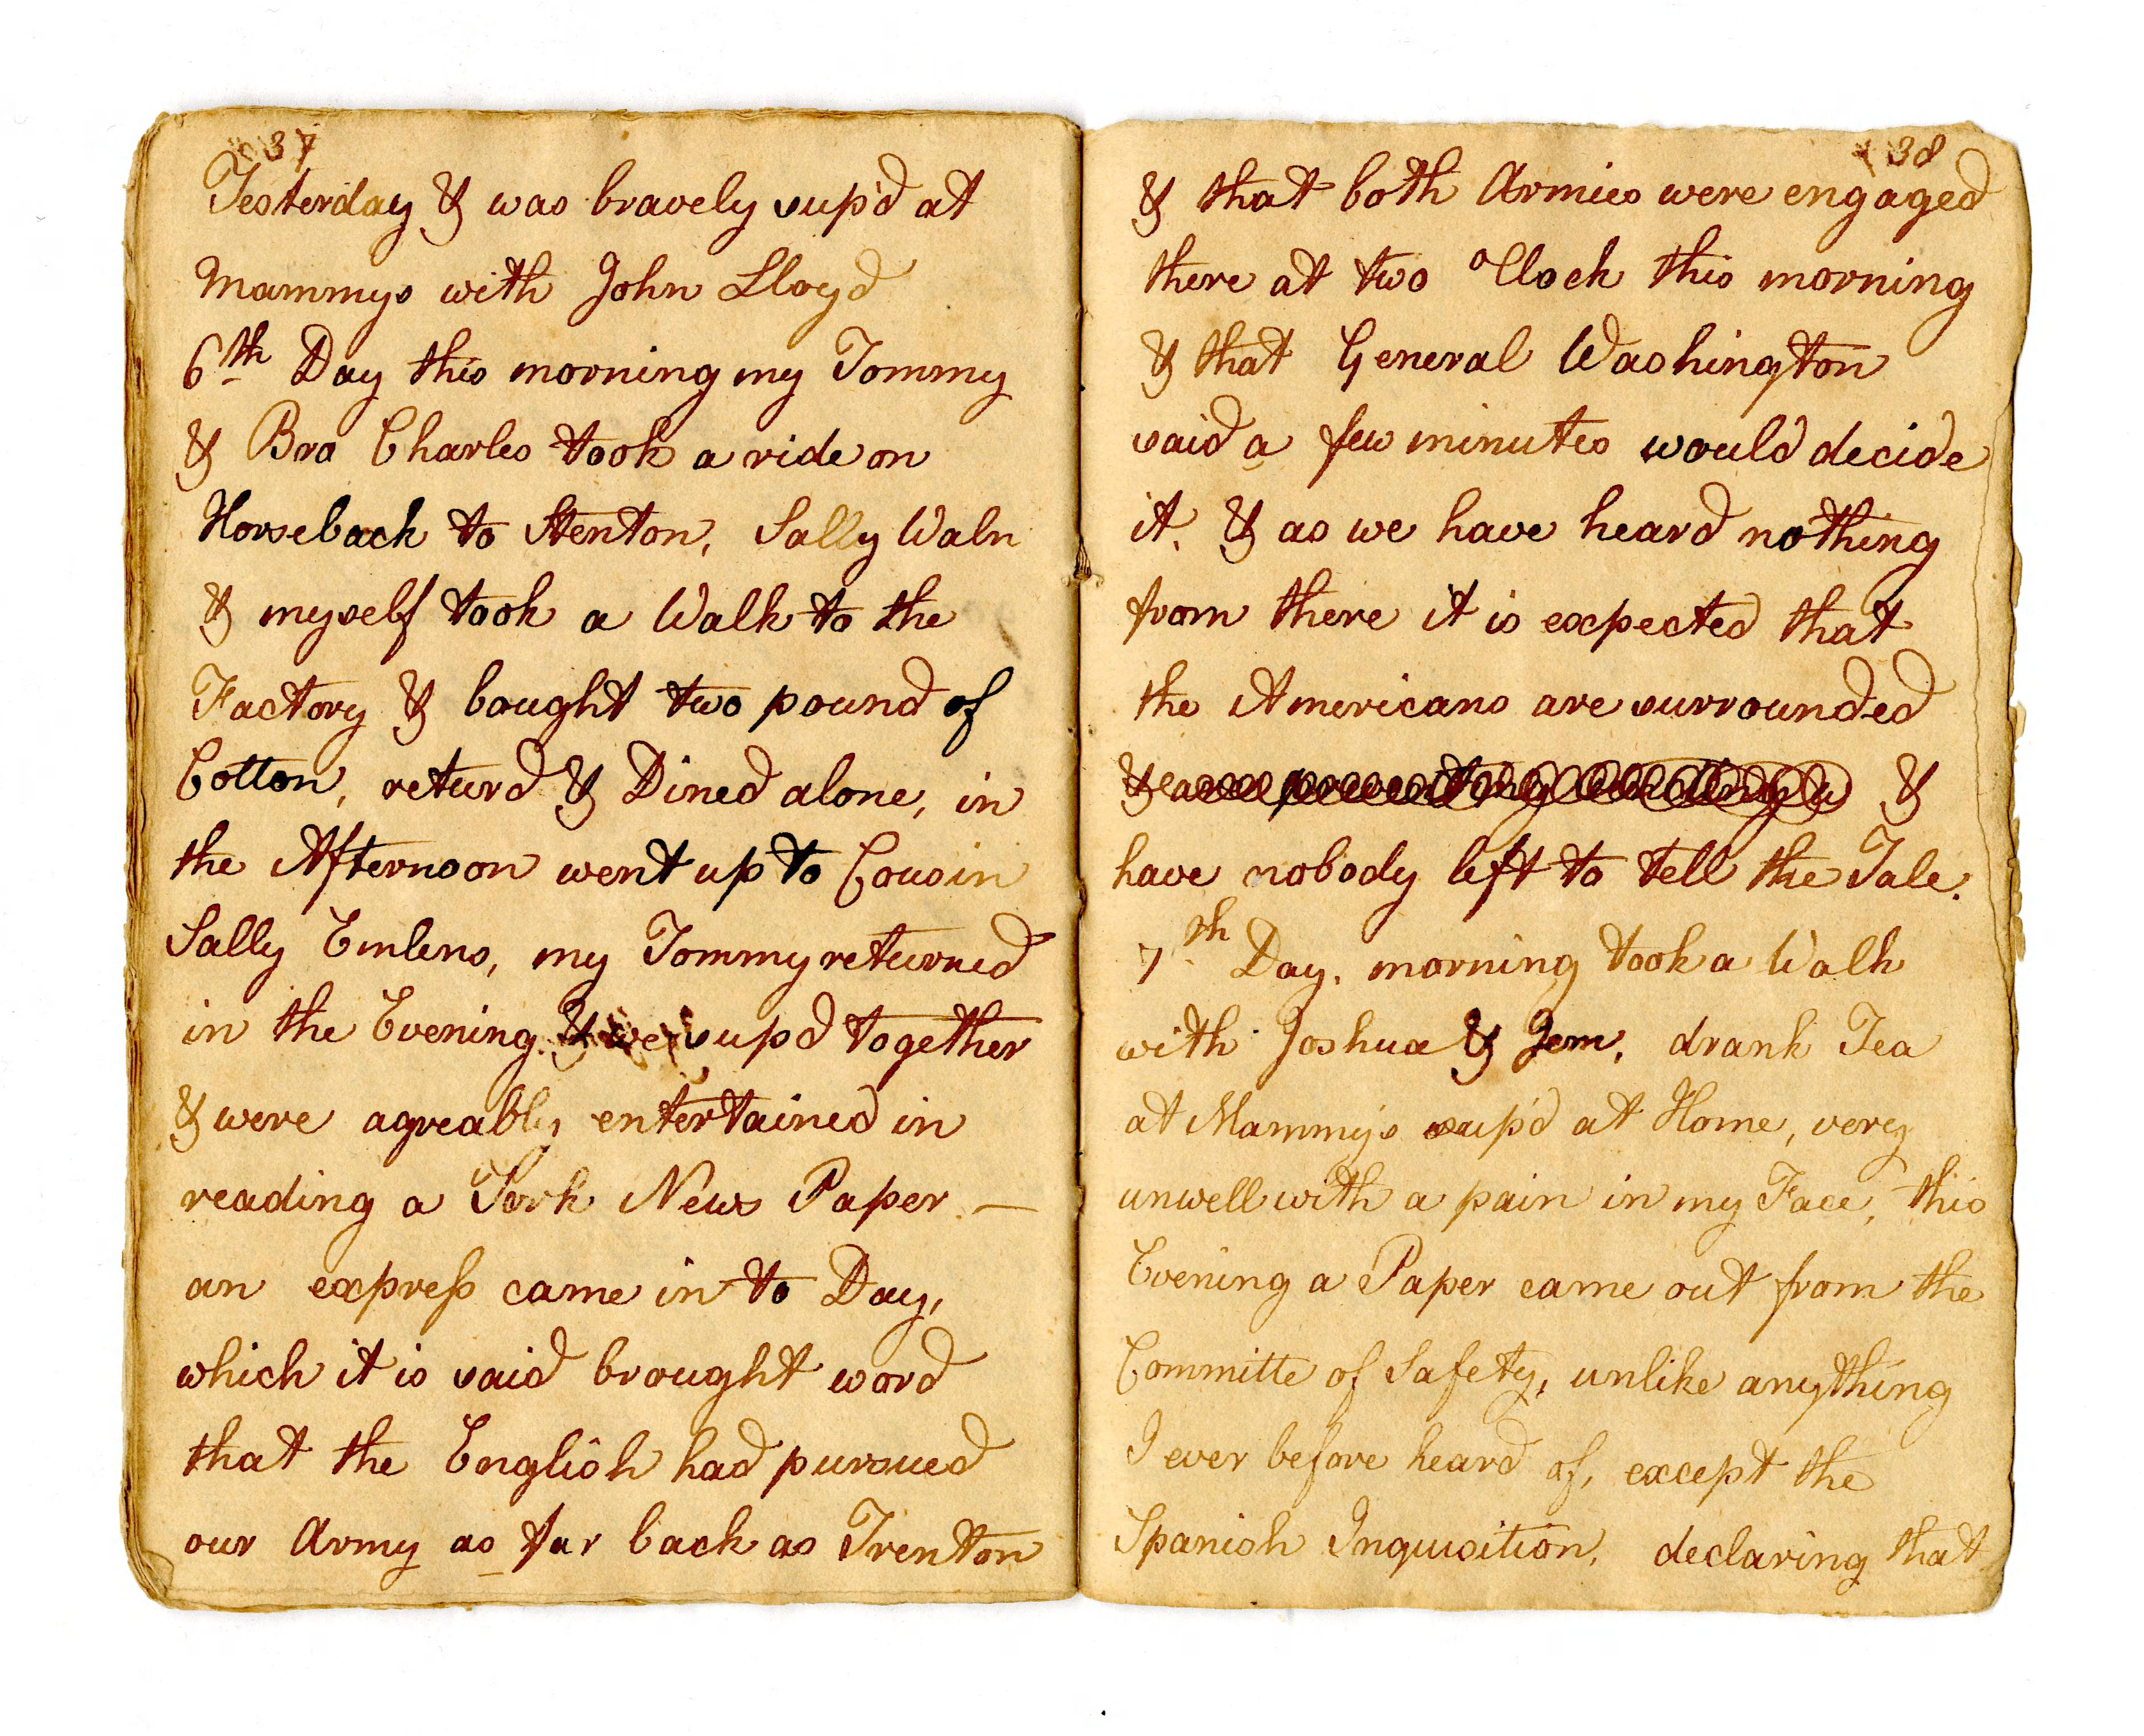37
Yesterday & was bravely sup'd at
Mammys with John Lloyd
6^th Day this morning my Tommy
& Bro Charles took a ride on
Horseback to Stenton, Sally Waln
& myself took a Walk to the
Factory & bought two pound of
Cotton, returd & Dined alone, in
the Afternoon went up to Cousin
Sally Emlens, my Tommy returned
in the Evening & we supd together
& were agreably entertained in
reading a York News Paper -
an express came in to Day,
which it is said brought word
that the English had pursued
our Army as far back as Trenton
from there it is expected that
38
& that both Armies were engaged
there at two ^oClock this morning
& that General Washington
said a few minutes would decide
it. & as we have heard nothing
the Americans are surrounded
[_______________________] &
have nobody left to tell the Tale.
7^th Day. morning took a Walk
with Joshua & Jem, drank Tea
at Mammy's sup'd at Home, very
unwell with a pain in my Face, this
Evening a Paper came out from the
Committe of Safety, unlike anything
I ever before heard of, except the
Spanish Inquisition, declaring that